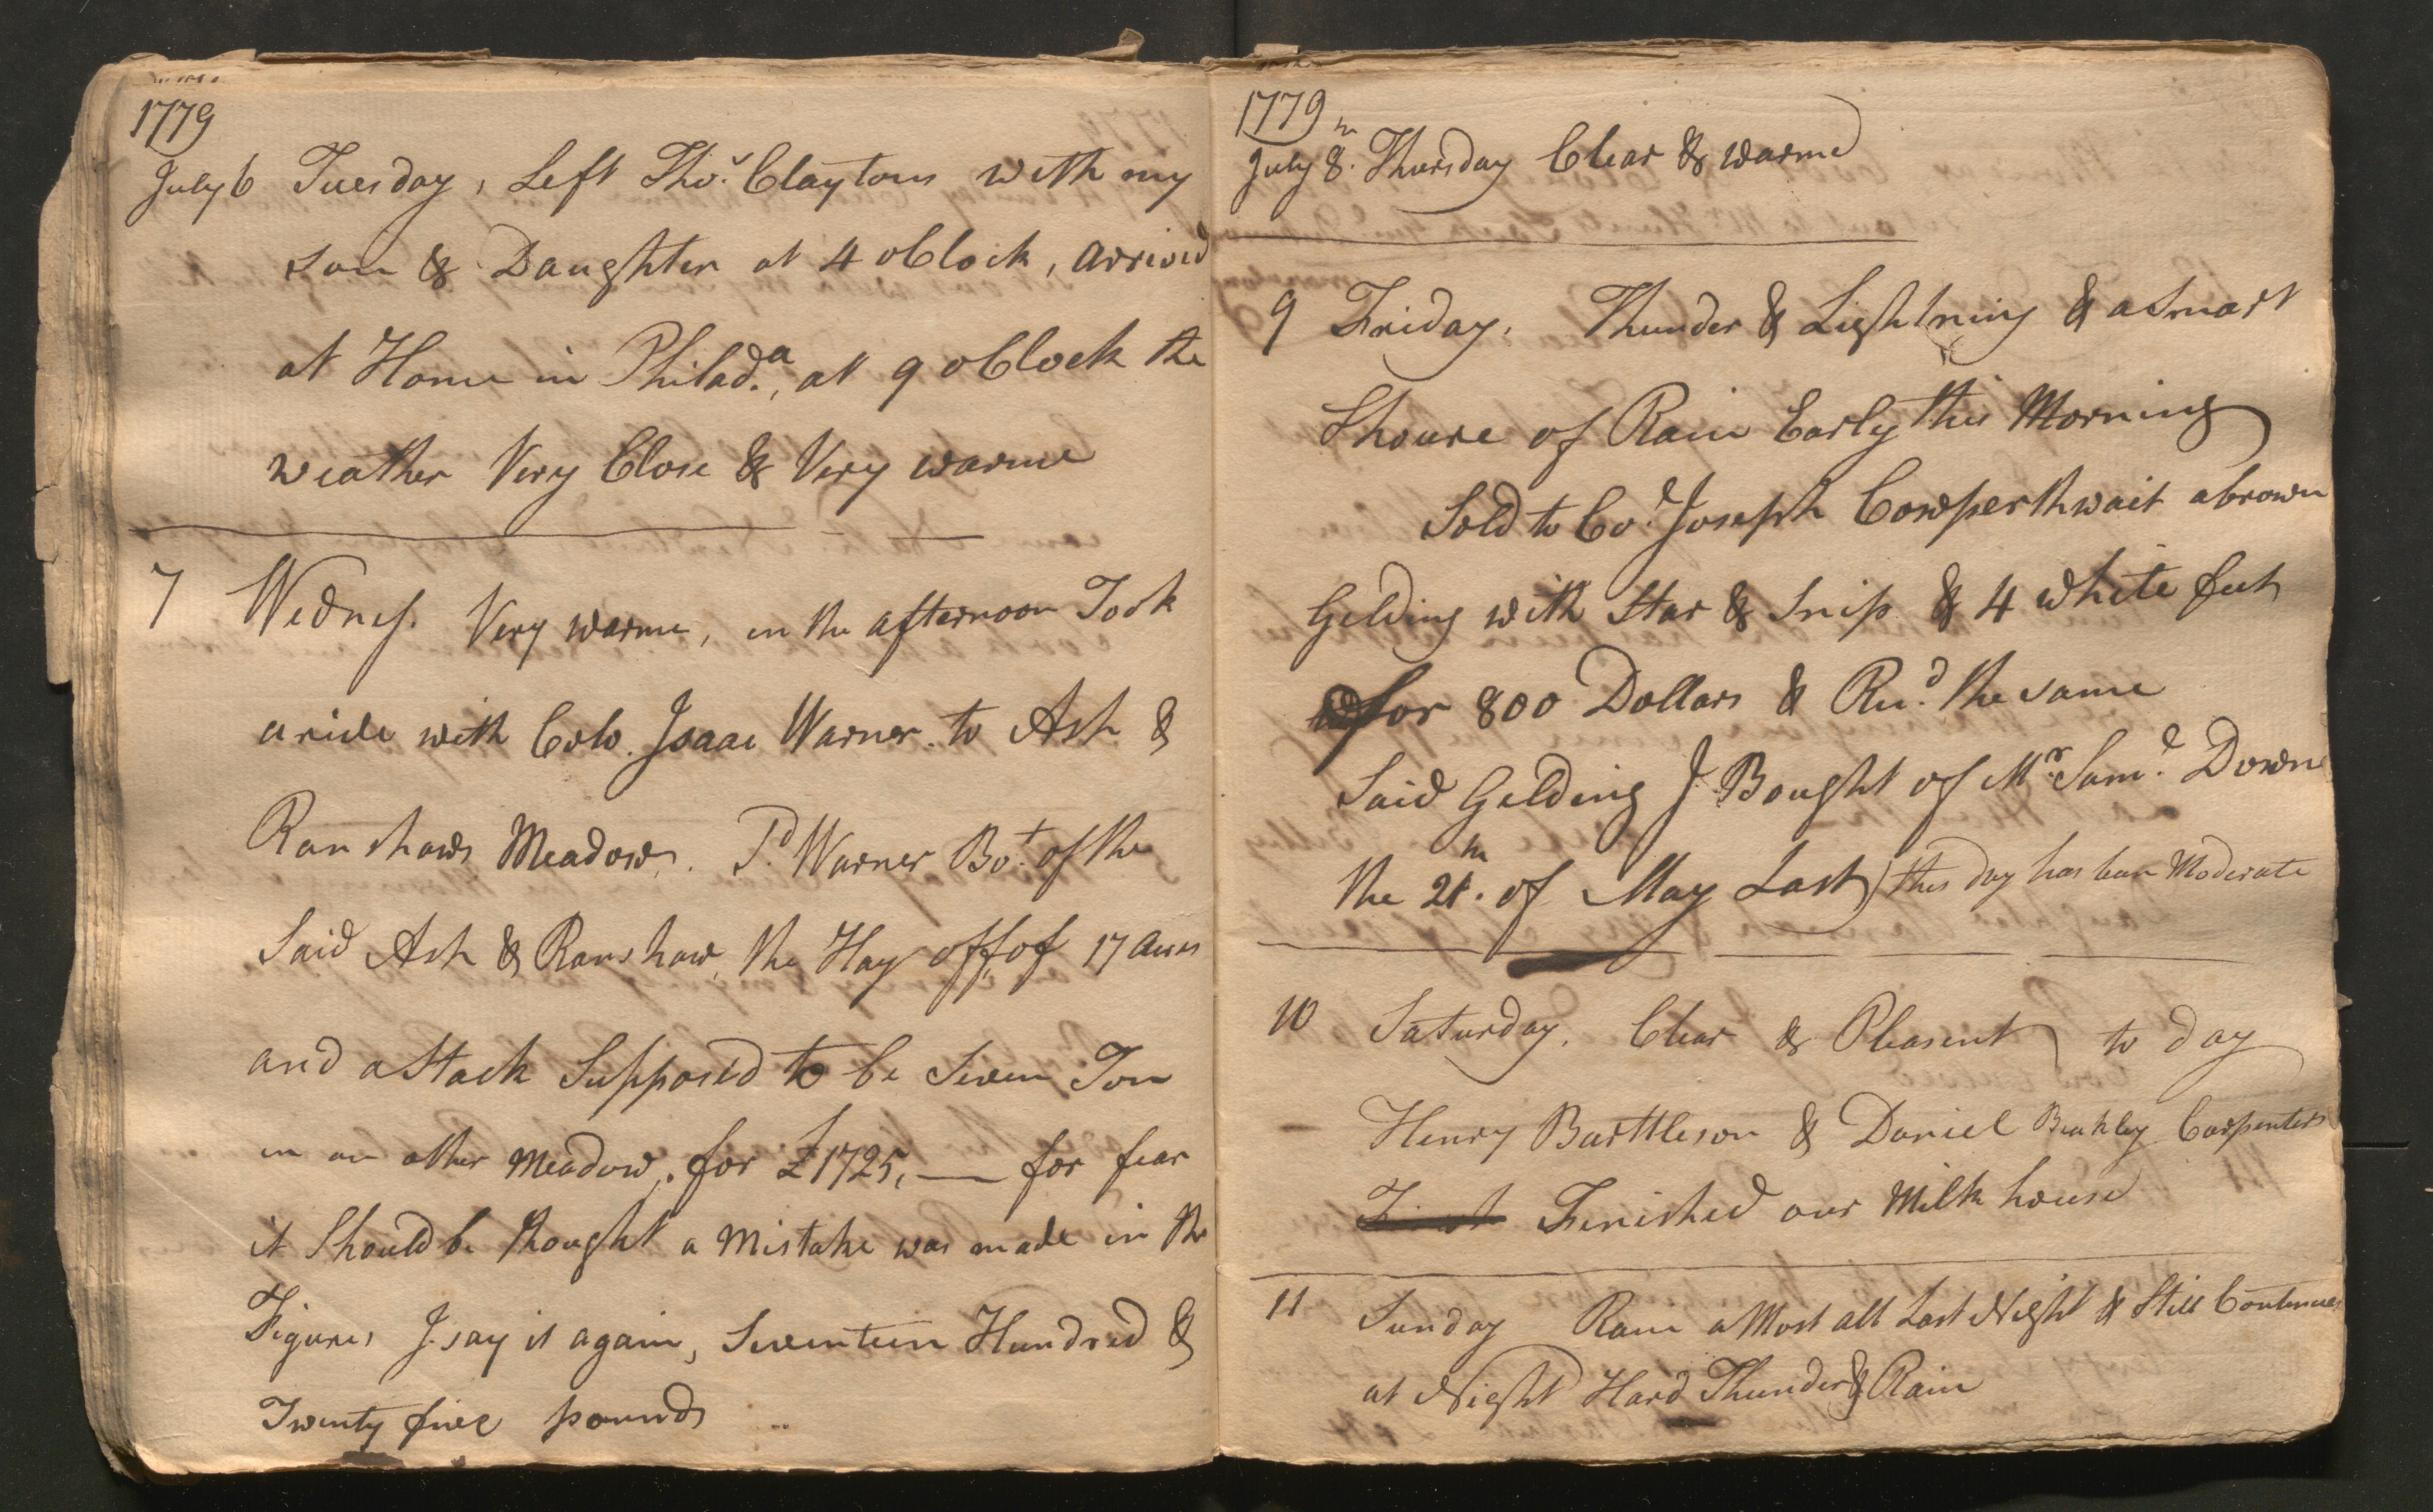1779
July 6 Tuesday, Left Tho^s. Claytons with my
son & Daughter at 4 oClock, arrived
at Home in Philad^a. at 9 oClock the
weather Very Close & Very warme
7 Wednes Very warme, in the afternoon Took
a ride with Colo. Isaac Warner. to Ash &
Ranshaws Meadow. s^d P Warner Bo^t. of the
Said Ash & Ranshaw the Hay off of 17 acres
and a Stack Suppostd to be Seven Ton
in an other Meedow, for £1725.- for fear
it Should be thought a Mistake was made in the
Figures I say it again, seventeen Hundred &
Twenty five pounds
1779
July 8^th. Thursday Clear & Warme
9 Friday. Thunder & Lightnig & a smart
shoure of Rain Early this Morning
Sold to Co^l. Joseph Cowperthwait a brown
Gelding with star & Snip & 4 white feet
for 800 Dollars & Rec^d. the same
Said Gelding J Bought of M^r Sam^l. Down
the 21^th. of May Last this day has been Moderate
10 Saturday. Clear & Pleasent to day
Henry Barttleson & Daniel Buckley Carpenters
[______] Finished our Milk house
11 Sunday Rain a Most all Last Night & Still Continue
at Night Hard Thunder & Rain